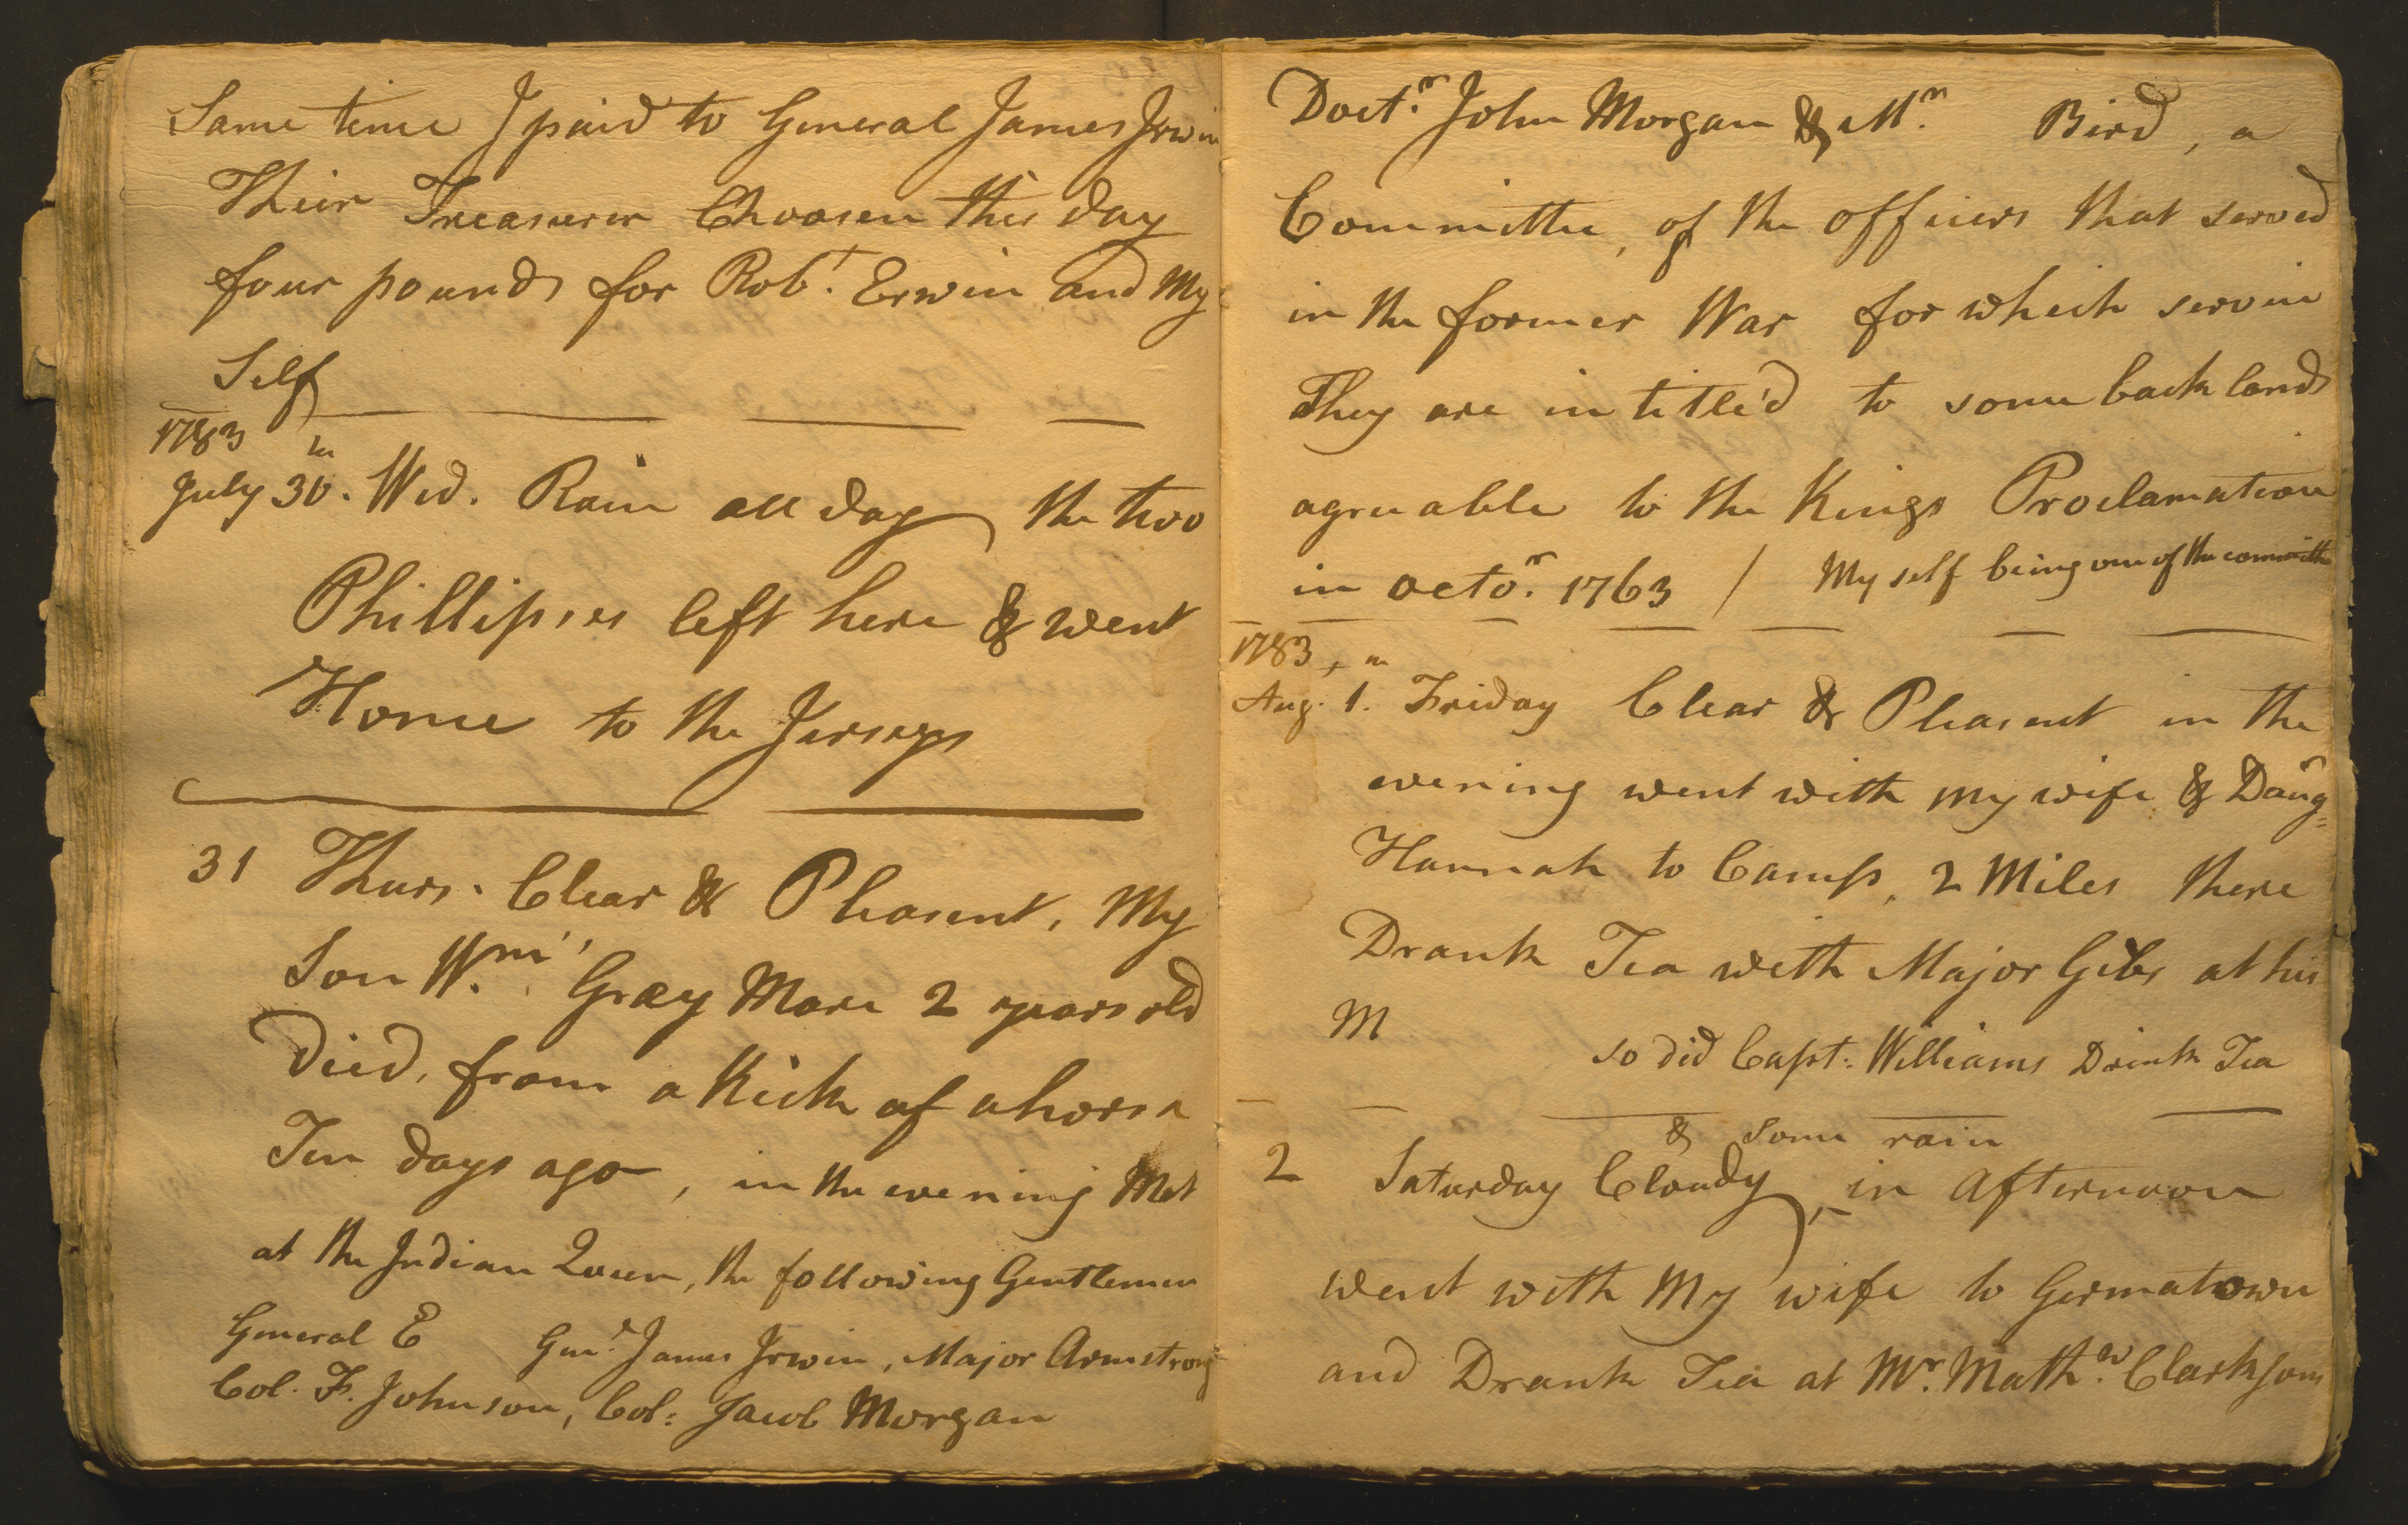same time I paid to General James Irwin
Their Treasurer Choosen this day
four pounds for Rob^t. Erwin and My
self
1783
July 30^th. Wed. Rain all day the two
Phillipses left here & went
Home to the Jerseys
31 Thurs. Clear & Pleasent. My
Son W^m. Gray Mare 2 years old
died, from a Kick of a horse
Ten days ago, in the evening Met
at the Indian Queen the following Gentlemen
General E Gen^l. James Irwin, Major Armstrong
Col. F. Johnson, Col: Jacob Morgan
Doct^r. John Morgan & M^r. Bird, a
Committee, of the officers that served
in the former War for which service
They are intitle'd to some back land
agreeable to the Kings Proclamation
1783
in octo^r. 1763/ My self being onee of the committee
Aug^t. 1^th. Friday Clear & Pleasent in the
evening went with my wife & Daug^r
Hannah to Camp 2 Miles there
Drank Tea with Major Gibs at his
M
so did Capt. Williams Drink Tea
& some rain
2 Saturday Cloudy ^ in Afternoon
went with My wife to Germantown
aned Drank Tea at M^r. Math^w. Clarksons